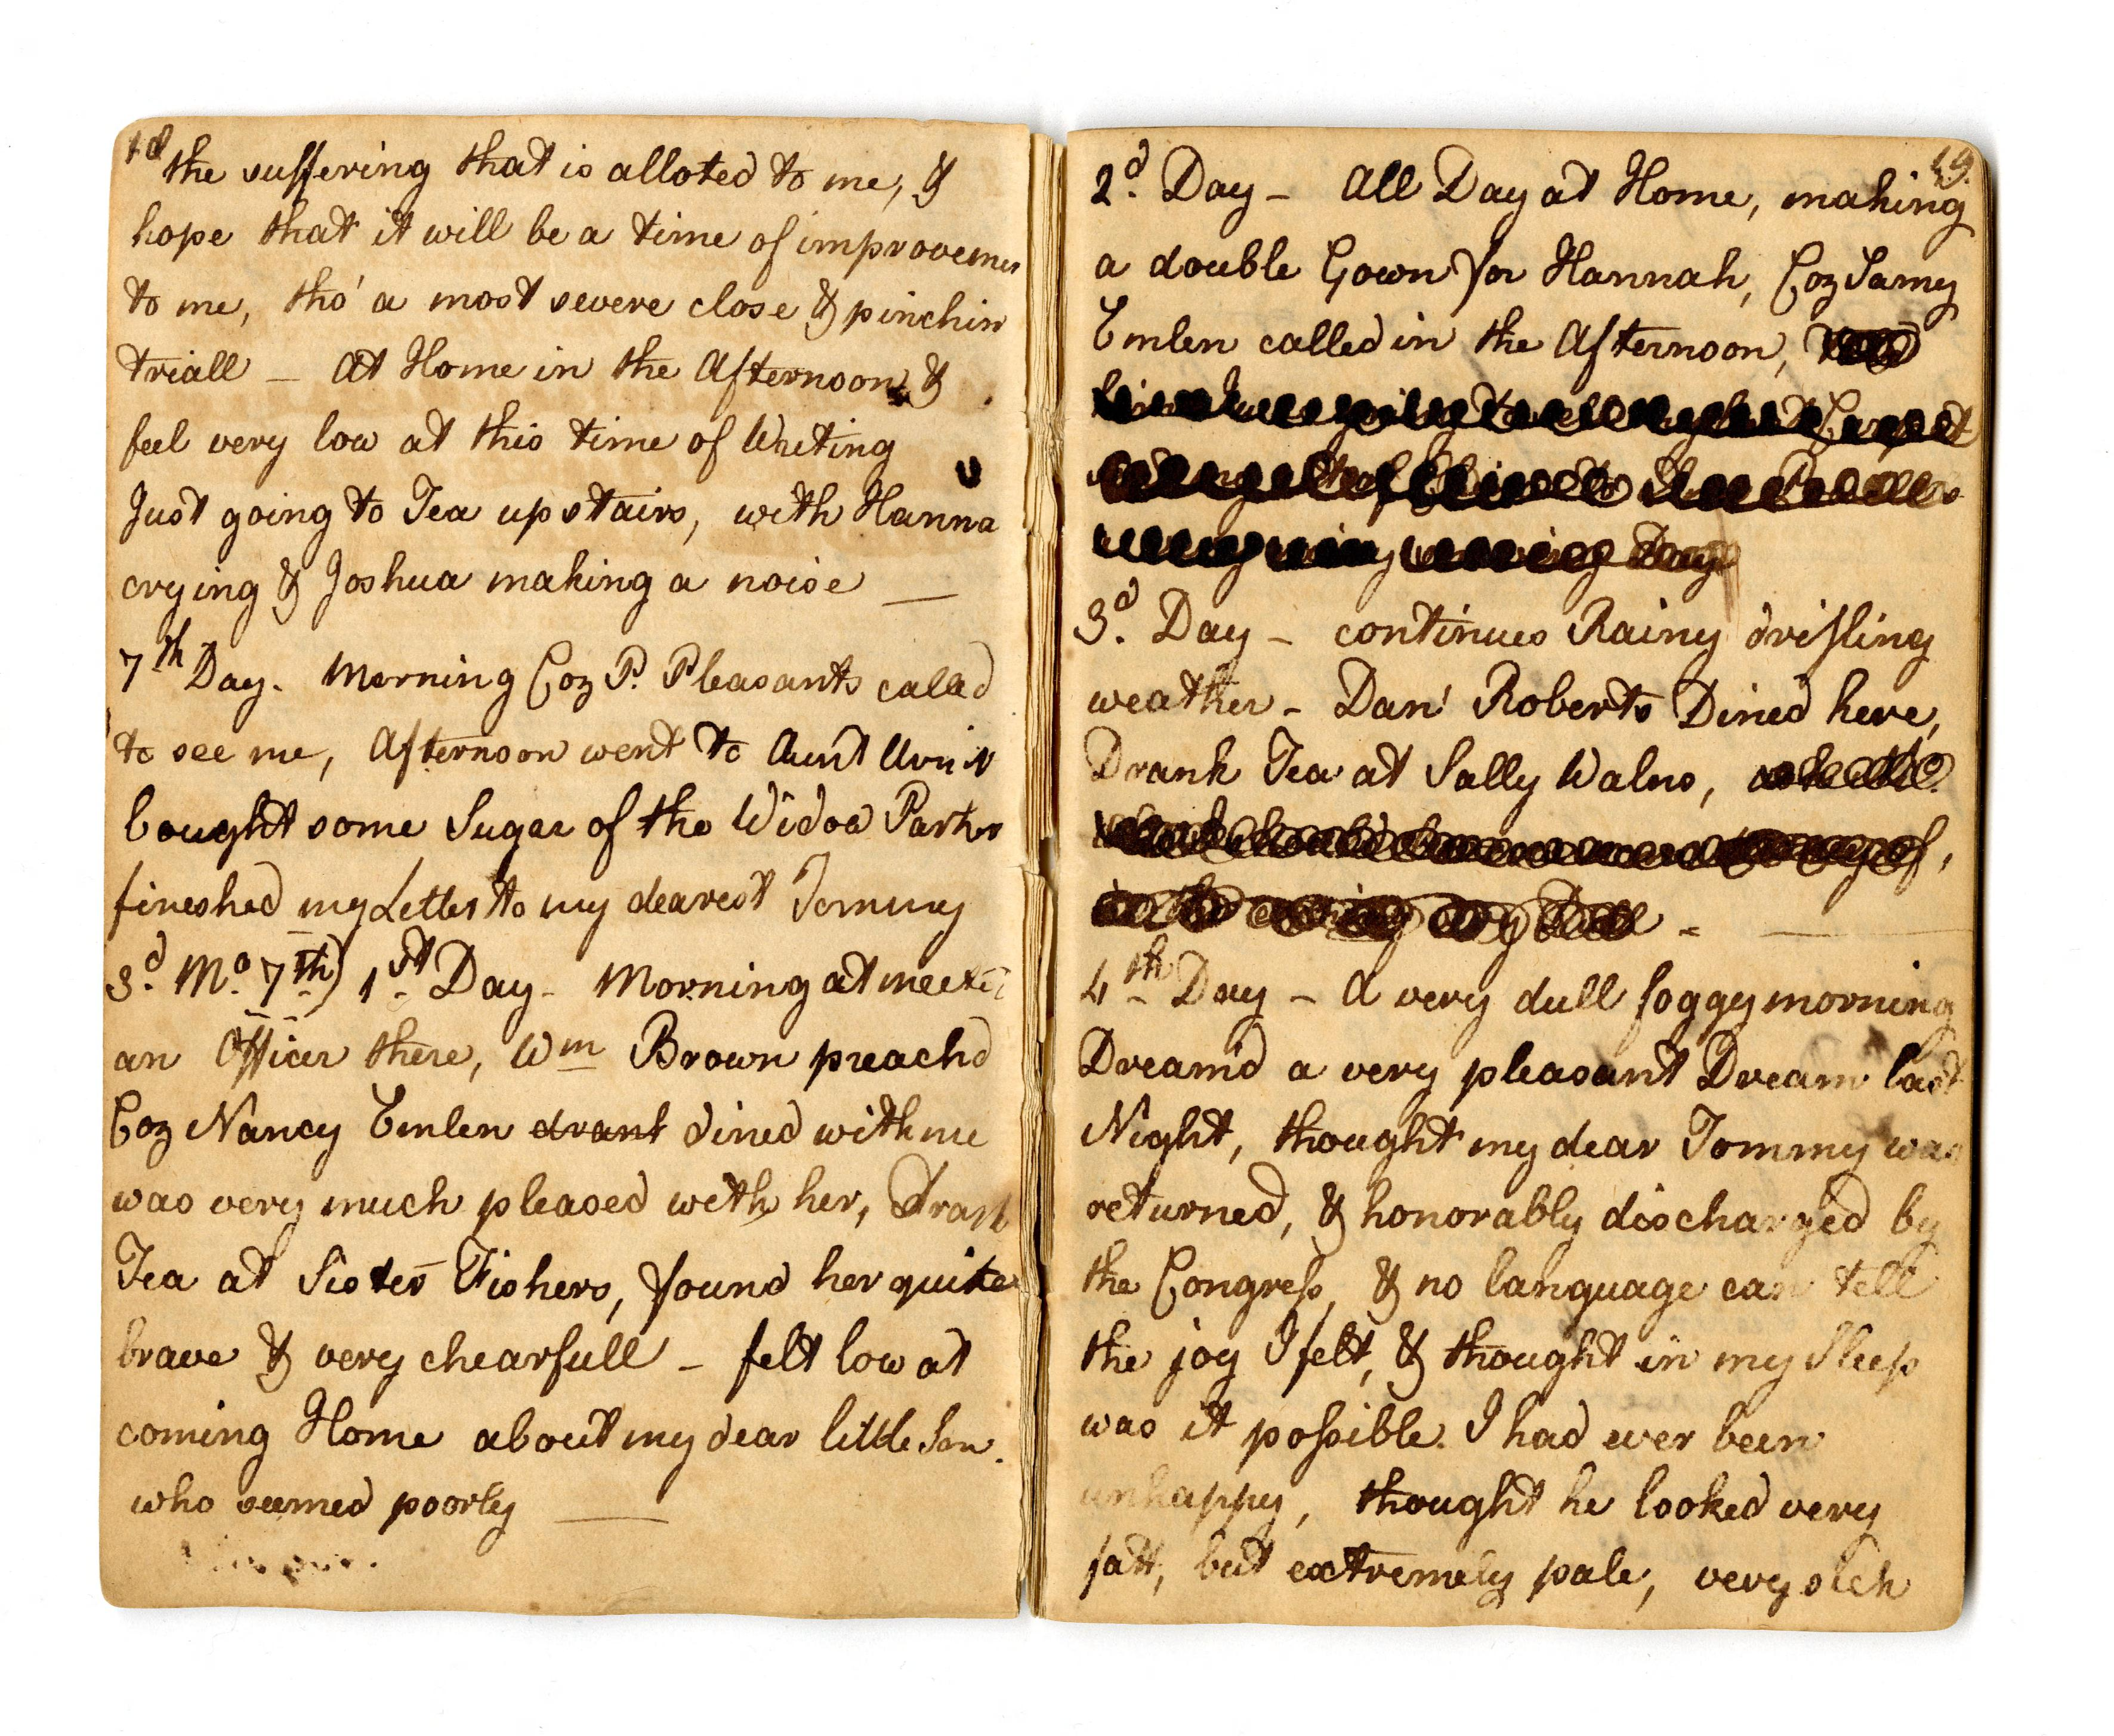18
the suffering that is alloted to me, &
hope that it will be a time of improvemen
to me, tho' a most severe close & pinchin
triall- At Home in the Afternoon &
feel very low at this time of Writing
Just going to Tea up stairs, with Hanna
crying & Joshua making a noise-
7^th Day- Morning Coz P. Pleasants called
to see me, Afternoon went to Aunt Arnit
bought some Sugar of the Widow Parker
fineshed my Letter to my dearest Tommy
3^d M^o. 7^th) 1^st Day- Morning at meeten
an Officer there, W^m Brown preachd
Coz Nancy Emlen drank dined with me
was very much pleased with her, drank
Tea at Sister Fishers, found her quiter
brave & very chearfull- felt low at
coming Home about my dear little Son.
who seemed poorly
19
2^d. Day- All Day at Home, making
a double Gown for Hannah, Coz Samy
Emlen called in the Afternoon, [___]
[_________________________]
[_______________________]
[_________________]
3^d. Day- continues Rainy drisling
weather- Dan Roberts Dined here,
Drank Tea at Sally Walns, [_____]
[___________________________]
[______________]-
4^th Day- A very dell foggy morning
Dream'd a very pleasant Dream last
Night, thought my dear Tommy was
returned, & honorably discharged by
the Congress, & no language can tell
the joy I felt & thought in my Sleep
was it possible. I had ever been
unhappy, thought he looked very
fatt, but extremely pale, very sick